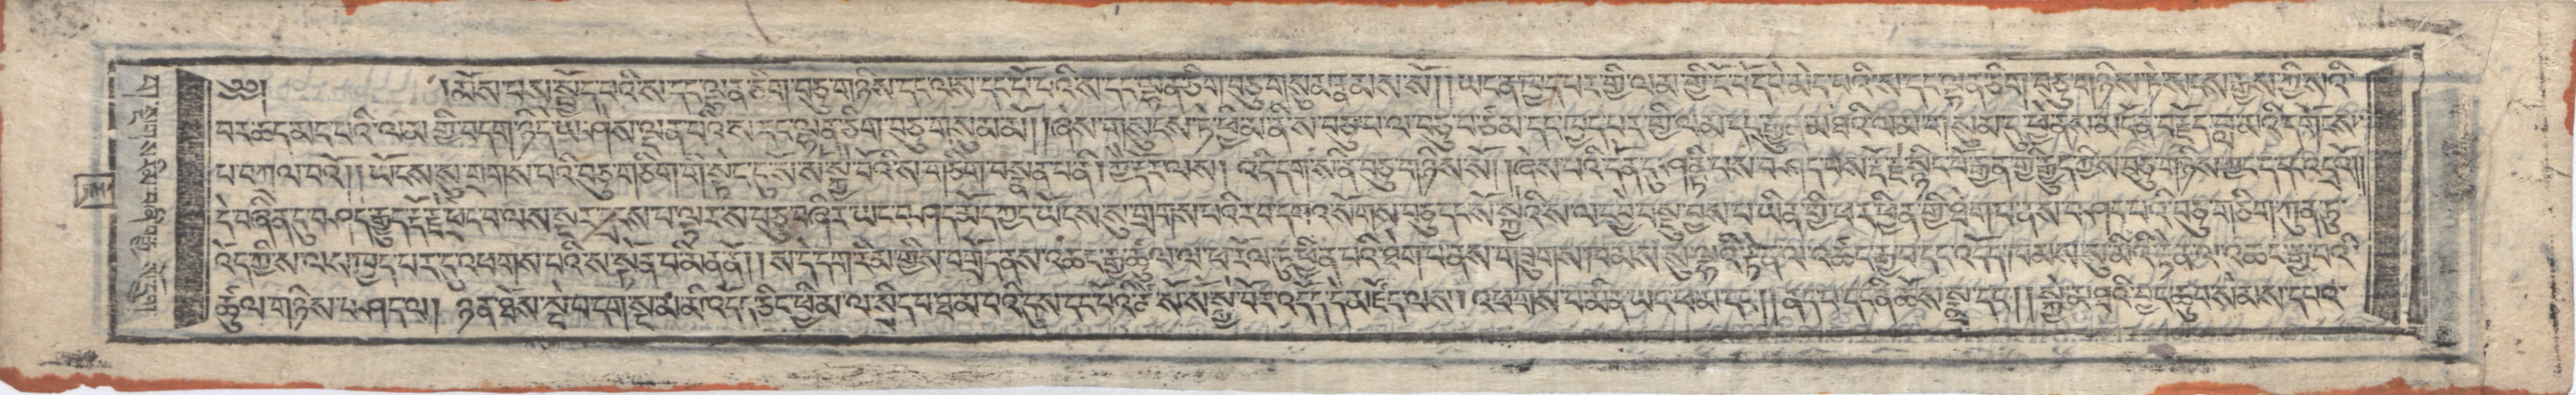༄༅། །མོས་པས་སྤྱོད་པའི་ས་དང་ལྷན་ཅིག་བཅུ་གཉིས་དང་ལས་དང་པོ་བའི་ས་དང་ལྷན་ཅིག་བཅུ་གསུམ་རྣམས་སོ། །ཡང་ན་ཁྱད་པར་གྱི་ལམ་གྱི་ངོ་བོ་དཔེ་མེད་པའི་ས་དང་ལྷན་ཅིག་བཅུ་གཉིས་ཏེ་སངས་རྒྱས་ཀྱི་སའི་
བར་ཆད་མེད་པའི་ལམ་གྱི་བདག་ཉིད་ཡེ་ཤེས་ལྡན་པའི་ས་དང་ལྷན་ཅིག་བཅུ་གསུམ་མོ། །ཞེས་གསུངས་ཏེ་ཕྱི་མ་ནི་ས་བཅུ་པ་ལ་བཅུ་པ་ཙམ་དང་ཁྱད་པར་གྱི་ལམ་དང་རྒྱུན་མཐའི་ལམ་གསུམ་དུ་ཕྱེ་ནས་མངོན་བརྗོད་བླ་མའི་དགོངས་
པ་བཀལ་བའོ། །ཡོངས་སུ་གྲགས་པའི་བཅུ་གཅིག་གི་སྟེང་དུ་སོ་སོ་སྐྱེ་བོའི་ས་གཅིག་བསྣན་པ་ནི། ཀྱཻ་རྡོར་ལས། འདི་དག་ས་ནི་བཅུ་གཉིས་སོ། །ཞེས་པའི་དོན་དུ་ཤནྟི་པས་བཤད་པས་རྡོ་རྗེ་སྙིང་པོ་རྒྱན་གྱི་རྒྱུད་ཀྱི་ས་བཅུ་གཉིས་ཀྱང་དེ་དང་འདྲའོ།།
དེ་བཞིན་དུ་བཤད་རྒྱུད་རྡོ་རྗེ་ཕྲེང་བ་ལས་སྔར་དྲངས་པ་ལྟར་ས་བཅུ་བཞིར་ཡང་བཤད་མོད་ཀྱང་ཡོངས་སུ་གྲགས་པའི་རབ་དགའ་སོགས་བཅུ་དང་སོ་སྐྱེའི་ས་ལ་དབྱེ་བསྡུ་བྱས་པ་ཡིན་གྱི་ཕར་ཕྱིན་གྱི་ཐེག་པ་ནས་བཤད་པའི་བཅུ་གཅིག་ཀུན་ཏུ་
འོད་ཀྱི་ས་ལས་ཁྱད་པར་དུ་འཕགས་པའི་ས་སྟོན་པ་མིན་ནོ། །ས་དེ་དག་རིམ་གྱིས་བགྲོད་ནས་འཆང་རྒྱ་ཚུལ་ལ་ཕ་རོལ་ཏུ་ཕྱིན་པའི་ཐེག་པ་ནས་གཟུགས་ཁམས་སུ་ལྷའི་རྟེན་ལ་འཚང་རྒྱ་བ་དང་འདོད་ཁམས་སུ་མིའི་རྟེན་ལ་འཆང་རྒྱ་བའི་
ཚུལ་གཉིས་བཤད་ལ། ཉན་ཐོས་སྡེ་པ་དག་སྔ་མ་མི་འདོད་ཅིང་ཕྱི་མ་ལ་སྲིད་པ་ཐ་མ་པའི་དུས་དང་པོའི་ཚེ་སོ་སོ་སྐྱེ་བོར་འདོད་དེ་མཛོད་ལས། འཕགས་པ་མིན་ཡང་ཕ་མ་དང་། །ནད་པ་དང་ནི་ཆོས་སྨྲ་དང་། །སྐྱེ་མཐའི་བྱང་ཆུབ་སེམས་དཔའ་